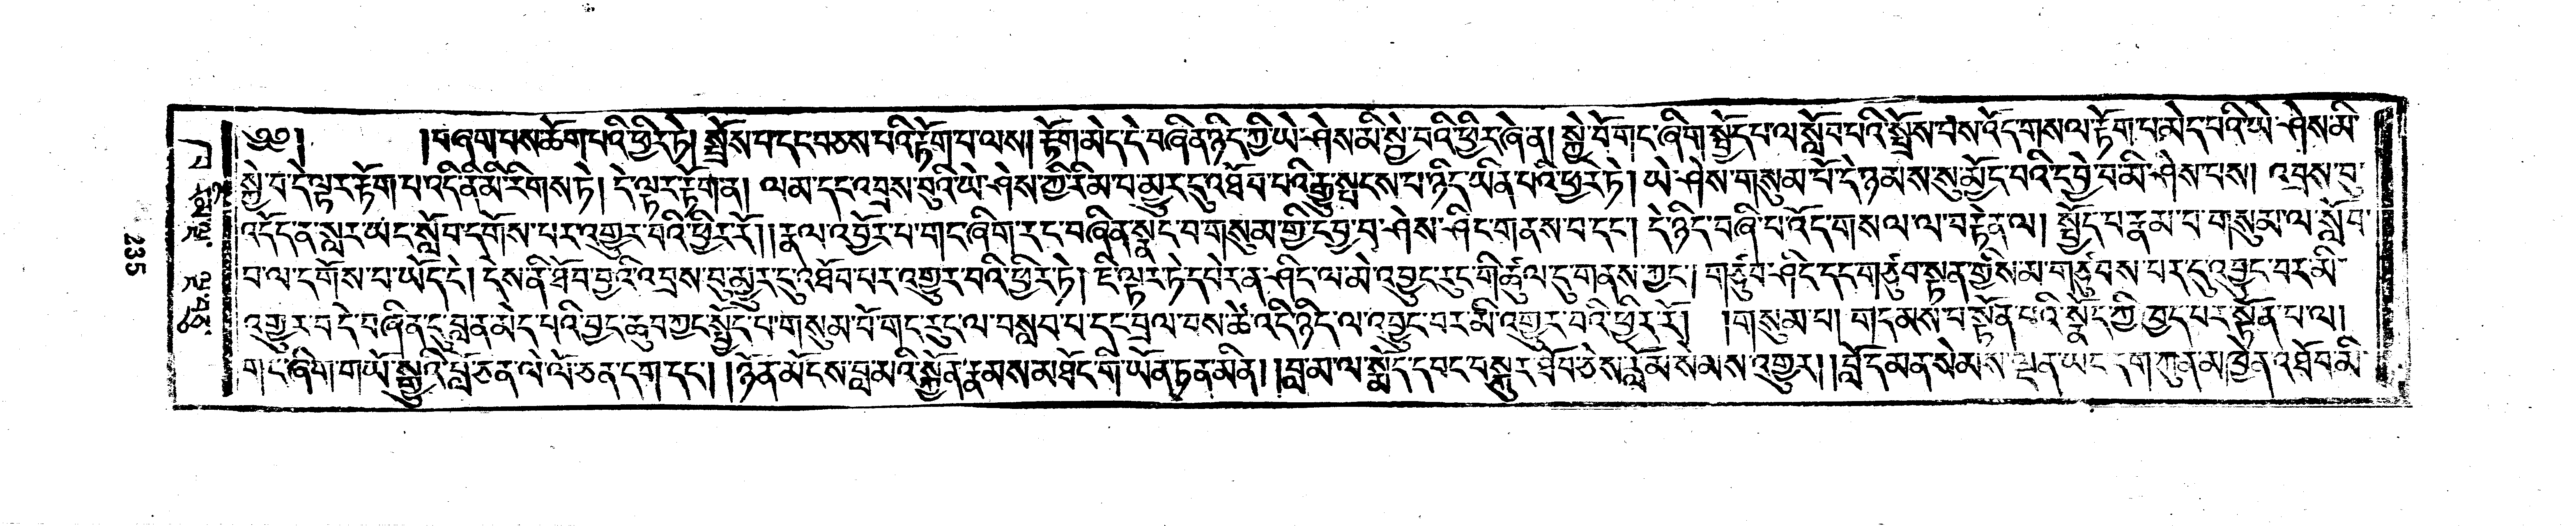༄༅། །བཞག་པས་ཆོག་པའི་ཕྱིར་ཏེ། སྤྲོས་པ་དང་བཅས་པའི་རྟོག་པ་ལས། རྟོག་མེད་དེ་བཞིན་ཉིད་ཀྱི་ཡེ་ཤེས་མི་སྐྱེ་བའི་ཕྱིར་ཞེ་ན། སྐྱེ་བོ་གང་ཞིག་སྤྱོད་པ་ལ་སློབ་པའི་སྤྲོས་པས་འོད་གསལ་རྟོག་པ་མེད་པའི་ཡེ་ཤེས་མི་
སྐྱེ་བ་དེ་ལྟར་རྟོག་པ་འདི་ནི་མི་རིགས་ཏེ། དེ་ལྟར་རྟོག་ན། ལམ་དང་འབྲས་བུའི་ཡེ་ཤེས་ཀྱི་རིམ་པ་མྱུར་དུ་འཐོབ་པའི་རྒྱུ་སྤངས་པ་ཉིད་ཡིན་པའི་ཕྱིར་ཏེ། ཡེ་ཤེས་གསུམ་པོ་དེ་ཉམས་སུ་མྱོང་བའི་དབྱེ་བ་མི་ཤེས་པས། འབྲས་བུ་
འདོད་ན་སླར་ཡང་སློབ་དགོས་པར་འགྱུར་བའི་ཕྱིར་རོ། །རྣལ་འབྱོར་པ་གང་ཞིག་རང་བཞིན་སྣང་བ་གསུམ་གྱི་དབྱེ་བ་ཤེས་ཤིང་གནས་པ་དང་། དེ་ཉིད་བཞི་པ་འོད་གསལ་ལ་བརྟེན་ལ། སྤྱོད་པ་རྣམ་པ་གསུམ་ལ་སློབ་
བ་ལ་དགོས་པ་ཡོད་དེ། དེས་ནི་ཐོབ་བྱའི་འབྲས་བུ་མྱུར་དུ་འཐོབ་པར་འགྱུར་བའི་ཕྱིར་ཏེ། ཇི་ལྟར་ཏེ་དཔེར་ན་ཤིང་ལ་མེ་འབྱུང་རུང་གི་ཚུལ་དུ་གནས་ཀྱང་། གཙུབ་ཤིང་དང་གཙུབ་སྟན་གྱིས་མ་གཙུབས་བར་དུ་འབྱུང་བར་མི་
འགྱུར་བ་དེ་བཞིན་དུ་བླ་ན་མེད་པའི་བྱང་ཆུབ་ཀྱང་སྤྱོད་པ་གསུམ་པོ་གང་རུང་ལ་བསླབ་པ་དང་བྲལ་བས་ཚེ་འདི་ཉིད་ལ་འབྱུང་བར་མི་འགྱུར་བའི་ཕྱིར་རོ། །གསུམ་པ། གདམས་པ་སྟོན་པའི་སྣོད་ཀྱི་ཁྱད་པར་སྟོན་པ་ལ།
གང་ཞིག་གཡོ་སྒྱུའི་བློ་ཅན་ལེ་ལོ་ཅན་དག་དང་། །ཉོན་མོངས་བླ་མའི་སྐྱོན་རྣམས་མཐོང་གི་ཡོན་ཏན་མིན། །བླ་མ་ལ་སྨོད་དབང་བསྐུར་ཐོབ་ཅེས་རློམ་སེམས་འགྱུར། །བློ་དམན་སེམས་ལྡན་ཡང་དག་ཀུན་མཁྱེན་འཐོབ་མི་